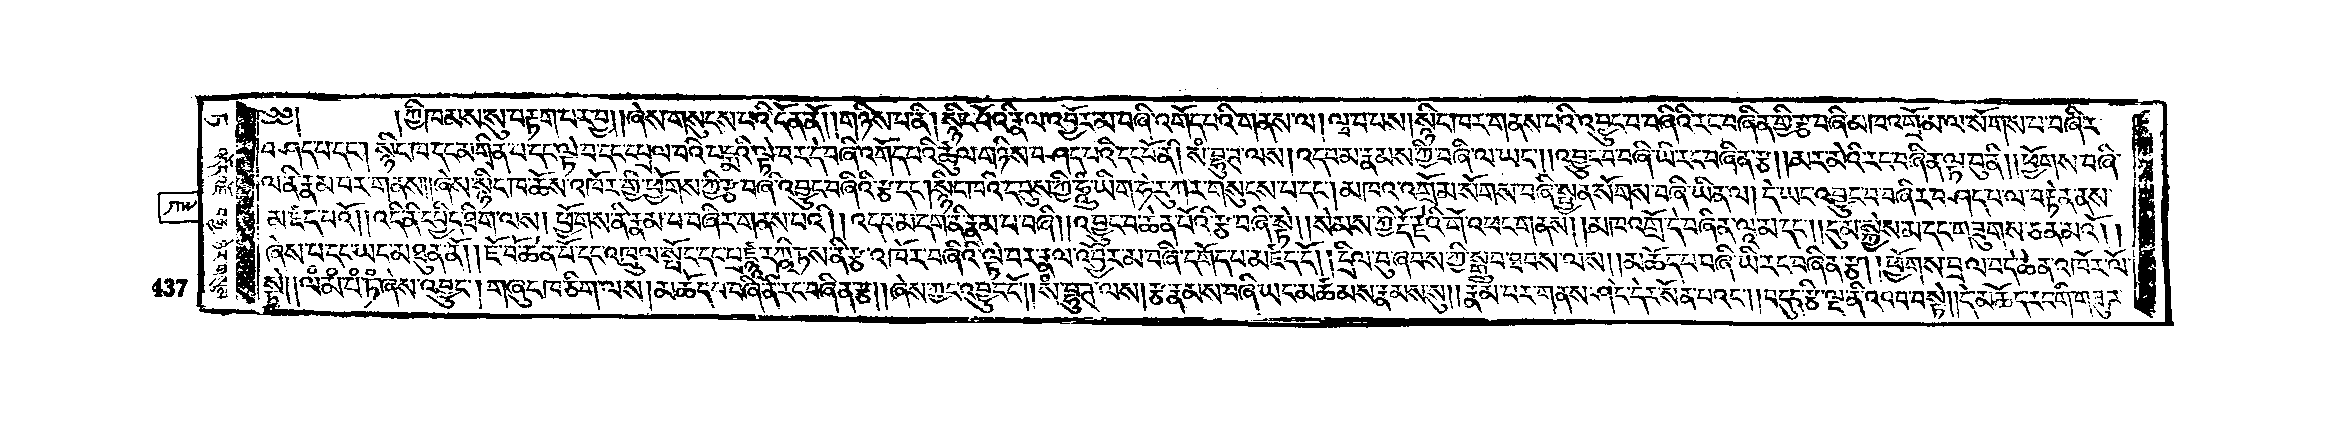༄༅། །ཀྱི་ཁམས་སུ་བརྟག་པར་བྱ། །ཞེས་གསུངས་པའི་དོན་ནོ། །གཉིས་པ་ནི། སྙིང་པོའི་རྣལ་འབྱོར་མ་བཞི་འགོད་པའི་གནས་ལ། ལྭ་བ་པས། སྙིང་ཁར་གནས་པའི་འབྱུང་བ་བཞིའི་རང་བཞིན་གྱི་རྩ་བཞི་མཁའ་འགྲོ་མ་ལ་སོགས་པ་བཞིར་
བཤད་པ་དང་། སྙིང་ཁ་དང་མགྲིན་པ་དང་ལྟེ་བ་དང་དཔྲལ་བའི་པདམའི་ལྟེ་བར་དེ་བཞི་འགོད་པའི་ཚུལ་གཉིས་བཤད་པའི་དང་པོ་ནི། སཾ་བྷུ་ཊ་ལས། འདབ་མ་རྣམས་ཀྱི་བཞི་ལ་ཡང་། །འབྱུང་བ་བཞི་ཡི་རང་བཞིན་རྩ། །མར་མེའི་རང་བཞིན་ལྟ་བུ་ནི། །ཕྱོགས་བཞི་
ལ་ནི་རྣམ་པར་གནས། །ཞེས་སྙིང་ཁ་ཆོས་འཁོར་གྱི་ཕྱོགས་ཀྱི་རྩ་བཞི་འབྱུང་བཞིའི་རྩ་དང་། སྙིང་ཁའི་དབུས་ཀྱི་ཧཱུཾ་ཡིག་ཧེ་རུ་ཀར་གསུངས་པ་དང་། མཁའ་འགྲོ་མ་སོགས་བཞི་སྤྱན་སོགས་བཞི་ཡིན་ལ། དེ་ཡང་འབྱུང་བ་བཞིར་བཤད་པ་ལ་བརྟེན་ནས་
མཛད་པའོ། །འདི་ནི་དཔྱིད་ཐིག་ལས། ཕྱོགས་ནི་རྣམ་པ་བཞིར་གནས་པའི། །འདབ་མ་དག་ནི་རྣམ་པ་བཞི། །འབྱུང་བ་ཆེན་པོའི་རྩ་བཞི་སྟེ། །སེམས་ཀྱི་རྡོ་རྗེའི་གོ་འཕང་གནས། །མཁའ་འགྲོ་དེ་བཞིན་ལཱ་མ་དང་། །དུ་མ་སྐྱེས་མ་དང་གཟུགས་ཅན་མའོ། །
ཞེས་པ་དང་ཡང་མཐུན་ནོ། །ཇོ་བོ་ཆེན་པོ་དང་འཁྲུལ་སྤོང་དང་པྲཛྙཱ་རཀྵི་ཏས་ནི་རྩ་འཁོར་བཞིའི་ལྟེ་བར་རྣལ་འབྱོར་མ་བཞི་དགོད་པ་མཛད་དོ། །དྲིལ་བུ་ཞབས་ཀྱི་སྒྲུབ་ཐབས་ལས། །མཆོད་པ་བཞི་ཡི་རང་བཞིན་རྩ། །ཕྱོགས་བྲལ་བདེ་ཆེན་འཁོར་ལོ་
སྟེ། །ལཾ་མཾ་པཾ་ཏཾ་ཞེས་འབྱུང་། གཞུང་ཁ་ཅིག་ལས། མཆོད་པ་བཞི་ནི་རང་བཞིན་རྩ། །ཞེས་ཀྱང་འབྱུང་ངོ། །སཾ་བྷུ་ཊ་ལས། རྩ་རྣམས་བཞི་ཡང་མཚམས་རྣམས་སུ། །རྣམ་པར་གནས་ཤིང་དེར་སོན་པའང་། །བདུད་རྩི་ལྔ་ནི་འབབ་པ་སྟེ། །དེ་མཆོད་རང་གི་གཟུགས་